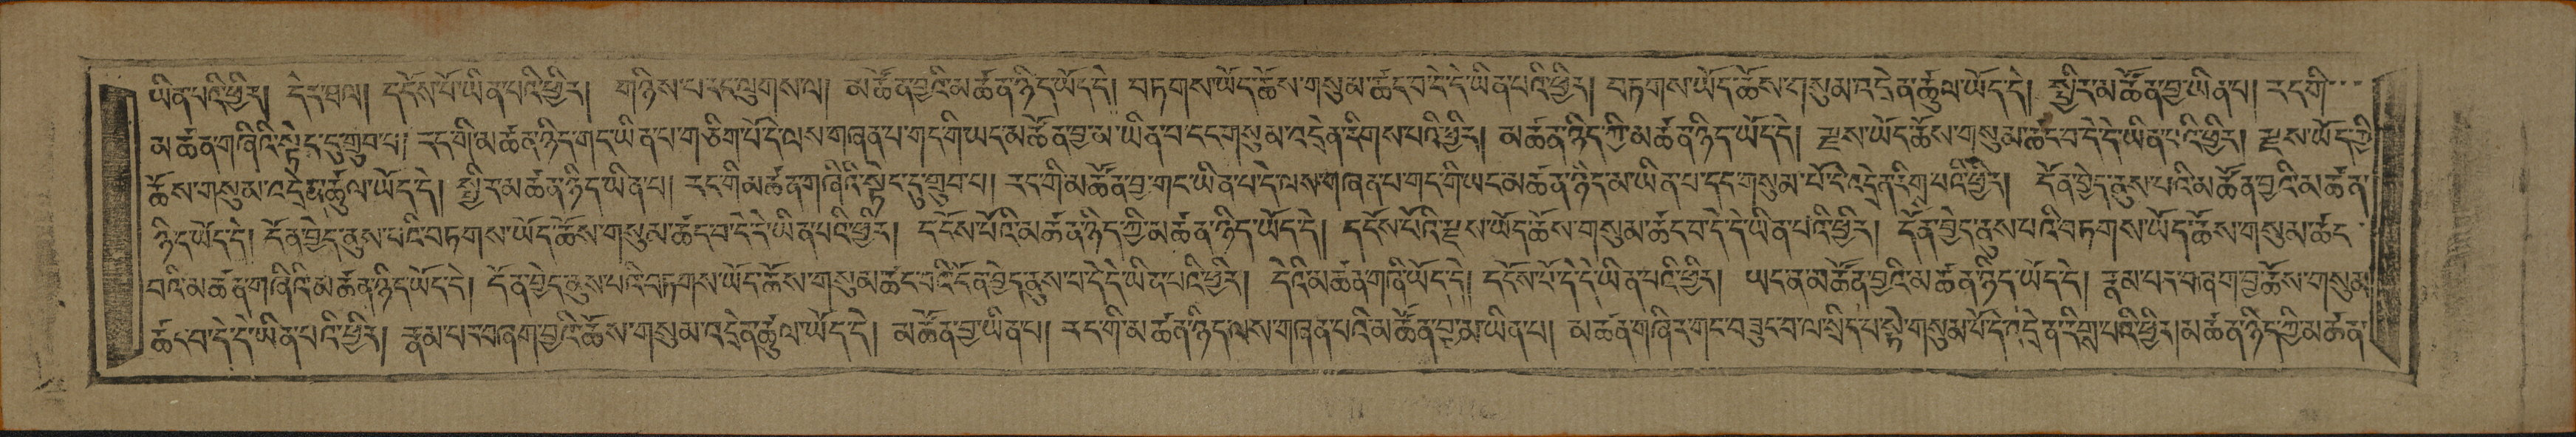ཡིན་པའི་ཕྱིར། དེར་ཐལ། དངོས་པོ་ཡིན་པའི་ཕྱིར། གཉིས་པ་རང་ལུགས་ལ། མཚོན་བྱའི་མཚན་ཉིད་ཡོད་དེ། བཏགས་ཡོད་ཆོས་གསུམ་ཚང་བ་དེ་དེ་ཡིན་པའི་ཕྱིར། བཏགས་ཡོད་ཆོས་གསུམ་འདྲེན་ཚུལ་ཡོད་དེ། སྤྱིར་མཚོན་བྱ་ཡིན་པ། རང་གི་
མཚན་གཞིའི་སྟེང་དུ་གྲུབ་པ། རང་གི་མཚན་ཉིད་གང་ཡིན་པ་གཅིག་པོ་དེ་ལས་གཞན་པ་གང་གི་ཡང་མཚོན་བྱ་མ་ཡིན་པ་དང་གསུམ་འདྲེན་རིགས་པའི་ཕྱིར། མཚན་ཉིད་ཀྱི་མཚན་ཉིད་ཡོད་དེ། རྫས་ཡོད་ཆོས་གསུམ་ཚང་བ་དེ་དེ་ཡིན་པའི་ཕྱིར། རྫས་ཡོད་ཀྱི་
ཆོས་གསུམ་འདྲེན་ཚུལ་ཡོད་དེ། སྤྱིར་མཚན་ཉིད་ཡིན་པ། རང་གི་མཚན་གཞིའི་སྟེང་དུ་གྲུབ་པ། རང་གི་མཚོན་བྱ་གང་ཡིན་པ་དེ་ལས་གཞན་པ་གང་གི་ཡང་མཚན་ཉིད་མ་ཡིན་པ་དང་གསུམ་པོ་དེ་འདྲེན་རིགས་པའི་ཕྱིར། དོན་བྱེད་ནུས་པའི་མཚོན་བྱའི་མཚན་
ཉིད་ཡོད་དེ། དོན་བྱེད་ནུས་པའི་བཏགས་ཡོད་ཆོས་གསུམ་ཚང་བ་དེ་དེ་ཡིན་པའི་ཕྱིར། དངོས་པོའི་མཚན་ཉིད་ཀྱི་མཚན་ཉིད་ཡོད་དེ། དངོས་པོའི་རྫས་ཡོད་ཆོས་གསུམ་ཚང་བ་དེ་དེ་ཡིན་པའི་ཕྱིར། དོན་བྱེད་ནུས་པའི་བཏགས་ཡོད་ཆོས་གསུམ་ཚང་
བའི་མཚན་གཞིའི་མཚན་ཉིད་ཡོད་དེ། དོན་བྱེད་ནུས་པའི་བཏགས་ཡོད་ཆོས་གསུམ་ཚང་བའི་དོན་བྱེད་ནུས་པ་དེ་དེ་ཡིན་པའི་ཕྱིར། དེའི་མཚན་གཞི་ཡོད་དེ། དངོས་པོ་དེ་དེ་ཡིན་པའི་ཕྱིར། ཡང་ན་མཚོན་བྱའི་མཚན་ཉིད་ཡོད་དེ། རྣམ་པར་བཞག་བྱ་ཆོས་གསུམ་
ཚང་བ་དེ་དེ་ཡིན་པའི་ཕྱིར། རྣམ་པར་བཞག་བྱའི་ཆོས་གསུམ་འདྲེན་ཚུལ་ཡོད་དེ། མཚོན་བྱ་ཡིན་པ། རང་གི་མཚན་ཉིད་ལས་གཞན་པའི་མཚོན་བྱ་མ་ཡིན་པ། མཚན་གཞིར་གང་བཟུང་བ་ལ་སྲིད་པ་སྟེང་གསུམ་པོ་དེ་འདྲེན་རིགས་པའི་ཕྱིར། མཚན་ཉིད་ཀྱི་མཚན་